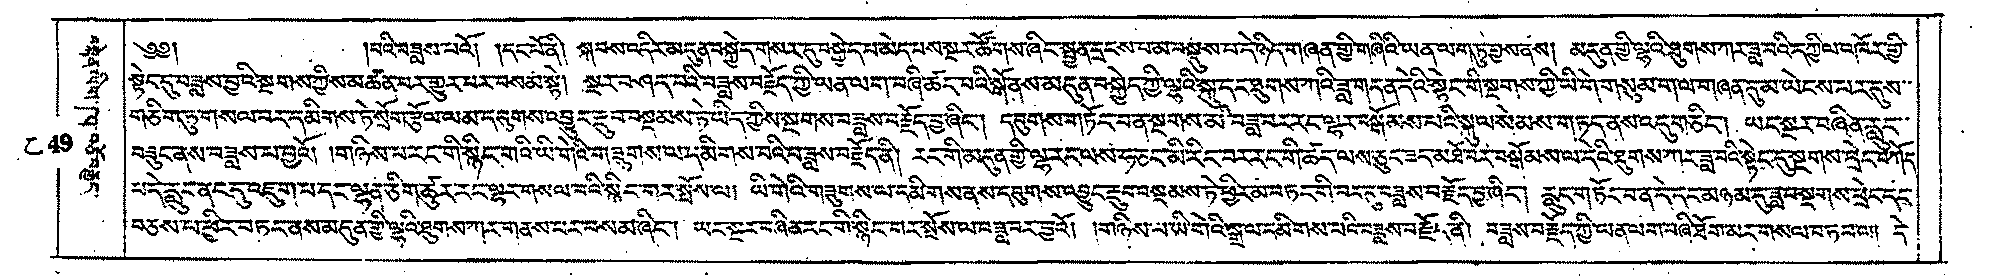༄༅། །པའི་བཟླས་པའོ། །དང་པོ་ནི། སྐབས་འདིར་མདུན་བསྐྱེད་གསར་དུ་བསྐྱེད་པ་མེད་པས་སྔར་ཚོགས་ཞིང་སྤྱན་དྲངས་པ་མ་བསྡུས་པ་དེ་ཉིད་གཞན་གྱི་གཞིའི་ཡན་ལག་ཏུ་བྱས་ནས། མདུན་གྱི་ལྷའི་ཐུགས་ཀར་ཟླ་བའི་དཀྱིལ་འཁོར་གྱི་
སྟེང་དུ་བཟླས་བྱའི་སྔགས་ཀྱིས་མཚན་པར་གྱུར་པར་བསམ་སྟེ། སྔར་བཤད་པའི་བཟླས་བརྗོད་ཀྱི་ཡན་ལག་བཞི་ཚང་བའི་སྒོ་ནས་མདུན་བསྐྱེད་ཀྱི་ལྷའི་སྐུ་དང་ཐུགས་ཀའི་ཟླ་གདན་དེའི་སྟེང་གི་སྔགས་ཀྱི་ཡི་གེ་གསུམ་ག་ལ་གཞན་དུ་མ་ཡེངས་པར་དུས་་་
གཅིག་ཏུ་གསལ་བར་དམིགས་ཏེ་སྲོག་རྩོལ་ལམ་དབུགས་འབྱུང་རྔུབ་བསྡམས་ཏེ་ཡིད་ཀྱིས་སྔགས་བཟླས་བརྗོད་བྱ་ཞིང་། དབུགས་གཏོང་བ་ན་སྔགས་མ་བཟླ་བར་རང་ལྷར་བསྒོམས་པའི་སྐུ་ལ་སེམས་གཏད་ནས་འདུག་ཅིང་། ཡང་སྔར་བཞིན་རླུང་་་
བཟུང་ནས་བཟླས་པ་བྱའོ། །གཉིས་པ་རང་གི་སྙིང་གའི་ཡི་གེའི་གཟུགས་ལ་དམིགས་པའི་བཟླས་བརྗོད་ནི། རང་གི་མདུན་གྱི་ལྷ་རང་ལས་ཧ་ཅང་མི་རིང་བར་རང་གི་ཚད་ལས་ཅུང་ཟད་མཐོ་བར་བསྒོམས་ལ་དེའི་ཐུགས་ཀར་ཟླ་བའི་སྟེང་དུ་སྔགས་ཕྲེང་བཀོད་
པ་དེ་རླུང་ནང་དུ་འཇུག་པ་དང་ལྷན་ཅིག་ཚུར་རང་ལྷར་གསལ་བའི་སྙིང་གར་སྤོས་ལ། ཡི་གེའི་གཟུགས་ལ་དམིགས་ནས་དབུགས་འབྱུང་རྡུབ་བསྔམས་ཏེ་ཕྱིར་མ་བཏང་གི་བར་དུ་བཟླས་བརྗོད་བྱ་ཞིང་། རླུང་གཏོང་བ་ན་དེ་དང་མཉམ་དུ་ཟླ་བསྔགས་ཕྲེང་དང་
བཅས་པ་ཕྱིར་བཏང་ནས་མདུན་གྱི་ལྷའི་ཐུགས་ཀར་གནས་པར་བསམ་ཞིང་། ཡང་སྔར་བཞིན་རང་གི་སྙིང་གར་སྤོས་ལ་བཟླ་བར་བྱའོ། །གཉིས་པ་ཡི་གེའི་སྒྲ་ལ་དམིགས་པའི་བཟླས་བརྗོད་ནི། བཟླས་བརྗོད་ཀྱི་ཡན་ལག་བཞི་ཐོག་མར་གསལ་བཏབ་ལ། དེ་